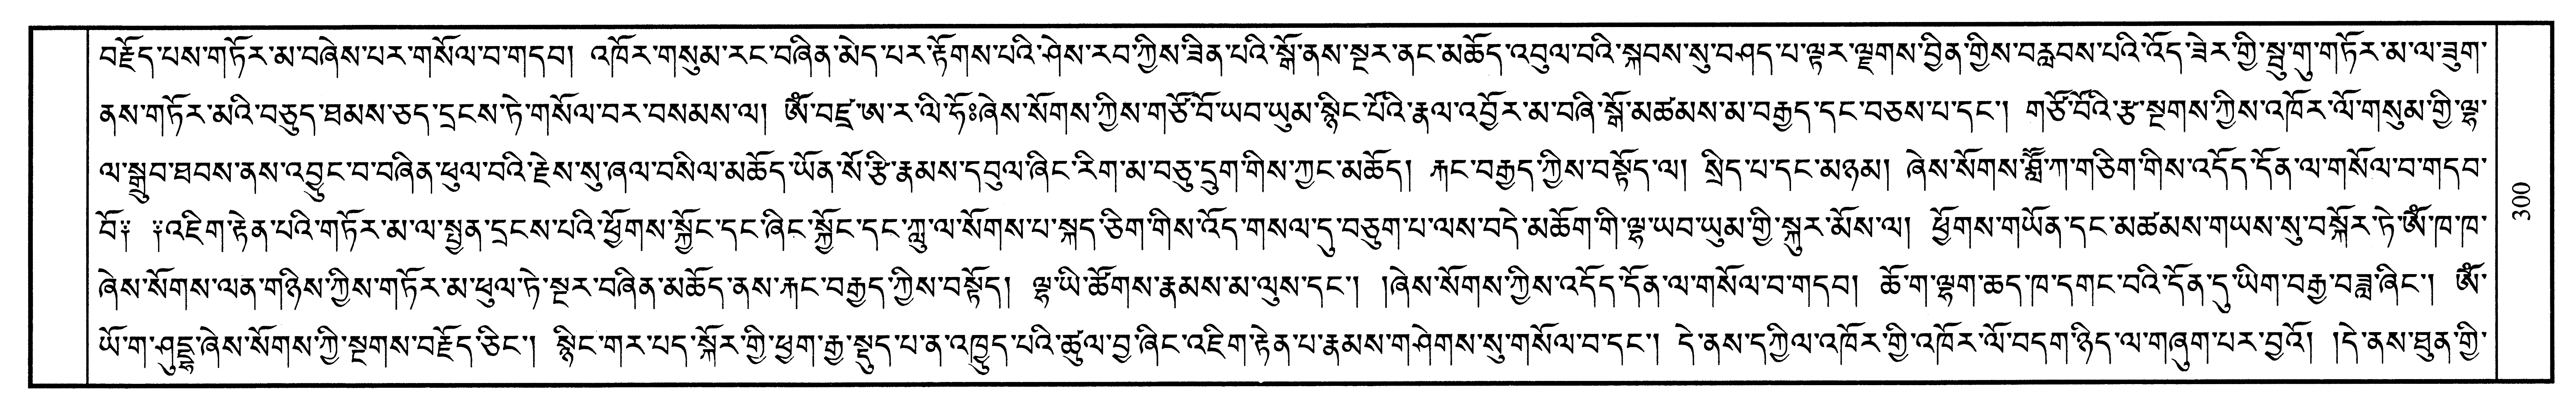བརྗོད་པས་གཏོར་མ་བཞེས་པར་གསོལ་བ་གདབ། འཁོར་གསུམ་རང་བཞིན་མེད་པར་རྟོགས་པའི་ཤེས་རབ་ཀྱིས་ཟིན་པའི་སྒོ་ནས་སྔར་ནང་མཆོད་འབུལ་བའི་སྐབས་སུ་བཤད་པ་ལྟར་ལྗགས་བྱིན་གྱིས་བརླབས་པའི་འོད་ཟེར་གྱི་སྦུ་གུ་གཏོར་མ་ལ་ཟུག་
ནས་གཏོར་མའི་བཅུད་ཐམས་ཅད་དྲངས་ཏེ་གསོལ་བར་བསམས་ལ། ཨོཾ་བཛྲ་ཨ་ར་ལི་ཧོཿ ཞེས་སོགས་ཀྱིས་གཙོ་བོ་ཡབ་ཡུམ་སྙིང་པོའི་རྣལ་འབྱོར་མ་བཞི་སྒོ་མཚམས་མ་བརྒྱད་དང་བཅས་པ་དང་། གཙོ་བོའི་རྩ་སྔགས་ཀྱིས་འཁོར་ལོ་གསུམ་གྱི་ལྷ་
ལ་སྒྲུབ་ཐབས་ནས་འབྱུང་བ་བཞིན་ཕུལ་བའི་རྗེས་སུ་ཞལ་བསིལ་མཆོད་ཡོན་སོ་རྩི་རྣམས་དབུལ་ཞིང་རིག་མ་བཅུ་དྲུག་གིས་ཀྱང་མཆོད། རྐང་བརྒྱད་ཀྱིས་བསྟོད་ལ། སྲིད་པ་དང་མཉམ། ཞེས་སོགས་ཤླཽ་ཀ་གཅིག་གིས་འདོད་དོན་ལ་གསོལ་བ་གདབ་
བོ༑ ༑འཇིག་རྟེན་པའི་གཏོར་མ་ལ་སྤྱན་དྲངས་པའི་ཕྱོགས་སྐྱོང་དང་ཞིང་སྐྱོང་དང་ཀླུ་ལ་སོགས་པ་སྐད་ཅིག་གིས་འོད་གསལ་དུ་བཅུག་པ་ལས་བདེ་མཆོག་གི་ལྷ་ཡབ་ཡུམ་གྱི་སྐུར་མོས་ལ། ཕྱོགས་གཡོན་དང་མཚམས་གཡས་སུ་བསྐོར་ཏེ་ཨོཾ་ཁ་ཁ་
ཞེས་སོགས་ལན་གཉིས་ཀྱིས་གཏོར་མ་ཕུལ་ཏེ་སྔར་བཞིན་མཆོད་ནས་རྐང་བརྒྱད་ཀྱིས་བསྟོད། ལྷ་ཡི་ཚོགས་རྣམས་མ་ལུས་དང་། །ཞེས་སོགས་ཀྱིས་འདོད་དོན་ལ་གསོལ་བ་གདབ། ཆོ་ག་ལྷག་ཆད་ཁ་དགང་བའི་དོན་དུ་ཡིག་བརྒྱ་བཟླ་ཞིང་། ཨོཾ་
ཡོ་ག་ཤུདྡྷ་ཞེས་སོགས་ཀྱི་སྔགས་བརྗོད་ཅིང་། སྙིང་གར་པད་སྐོར་གྱི་ཕྱག་རྒྱ་སྡུད་པ་ན་འཁྱུད་པའི་ཚུལ་བྱ་ཞིང་འཇིག་རྟེན་པ་རྣམས་གཤེགས་སུ་གསོལ་བ་དང་། དེ་ནས་དཀྱིལ་འཁོར་གྱི་འཁོར་ལོ་བདག་ཉིད་ལ་གཞུག་པར་བྱའོ། །དེ་ནས་ཐུན་གྱི་